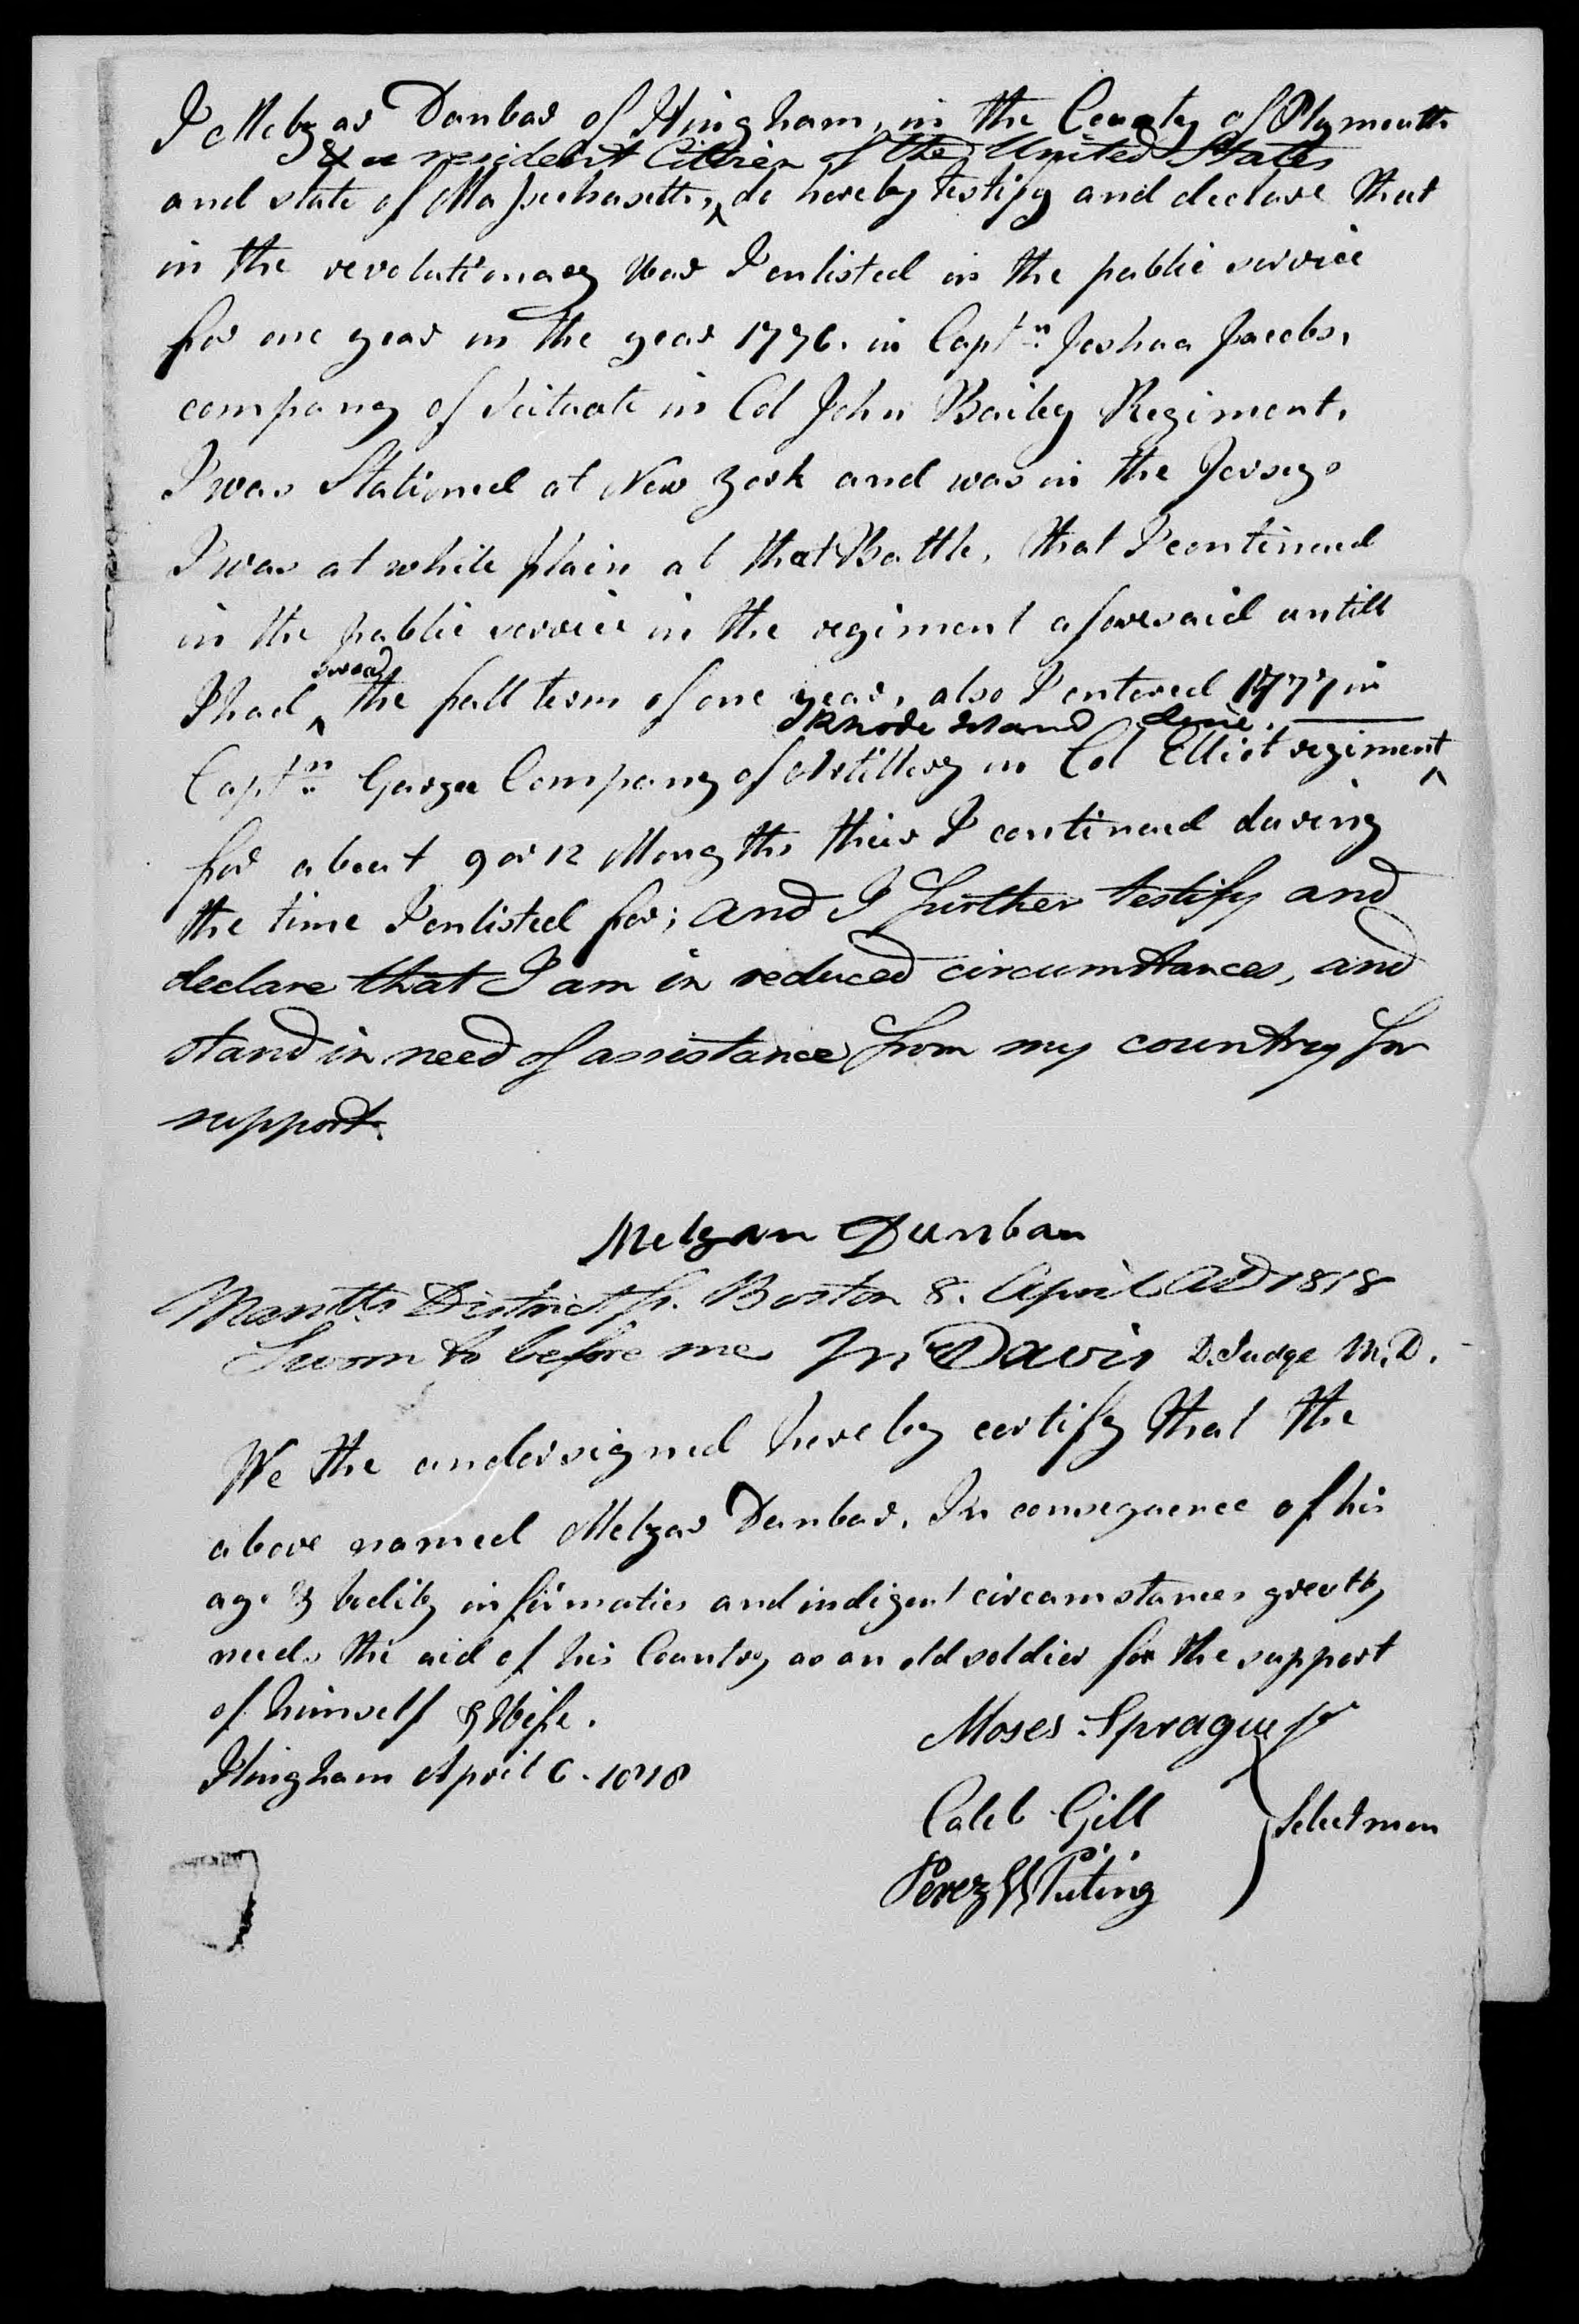I Melzar Dunbar of Hingham in the County of Plymouth and state of Massachusetts and am a resident citizen of the United States do hereby certify and declare that in the revolutionary war I enlisted in the public service for one year in the year 1776 in Capt. Joshua Jacob's company of Scituate in Col. John Bailey's Regiment.  I was stationed at New York and was in the Jerseys.  I was at White Plains, at that battle, that I continued in the public service in the regiment aforesaid until I had served the full term of one year., also I entered in 1777 in Capt. George's Company of Artillery in Col. Elliot's regiment fro about 9 or 12 months thus I continued during the time I enlisted for; and I further testify and declare that I am in reduced circumstances, and stand in need of assistance from my country for support.

Melzar Dunbar

Massachusetts District of Boston  8 April AD 1818
Sworn to before me John Davis D. Judge M.D.

We the undersigned hereby certify that the above named Melzar Dunbar in consequence of his age and bodily infirmity and indigent circumstance greatly needs the aid of his Country as an old soldier for the support of himself and wife.

Hingham April 8 1818

Moses Sprague}
Caleb Gill}               Selectmen
Perez Whiting}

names: Perez Whiting, Moses Sprague, Melzar Dunbar, Melzar Dunbar, Caleb Gill, Melzar Dunbar, Davis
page: 10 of 26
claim: widow's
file: W. 14657, Melzar Dunbar, Mass.